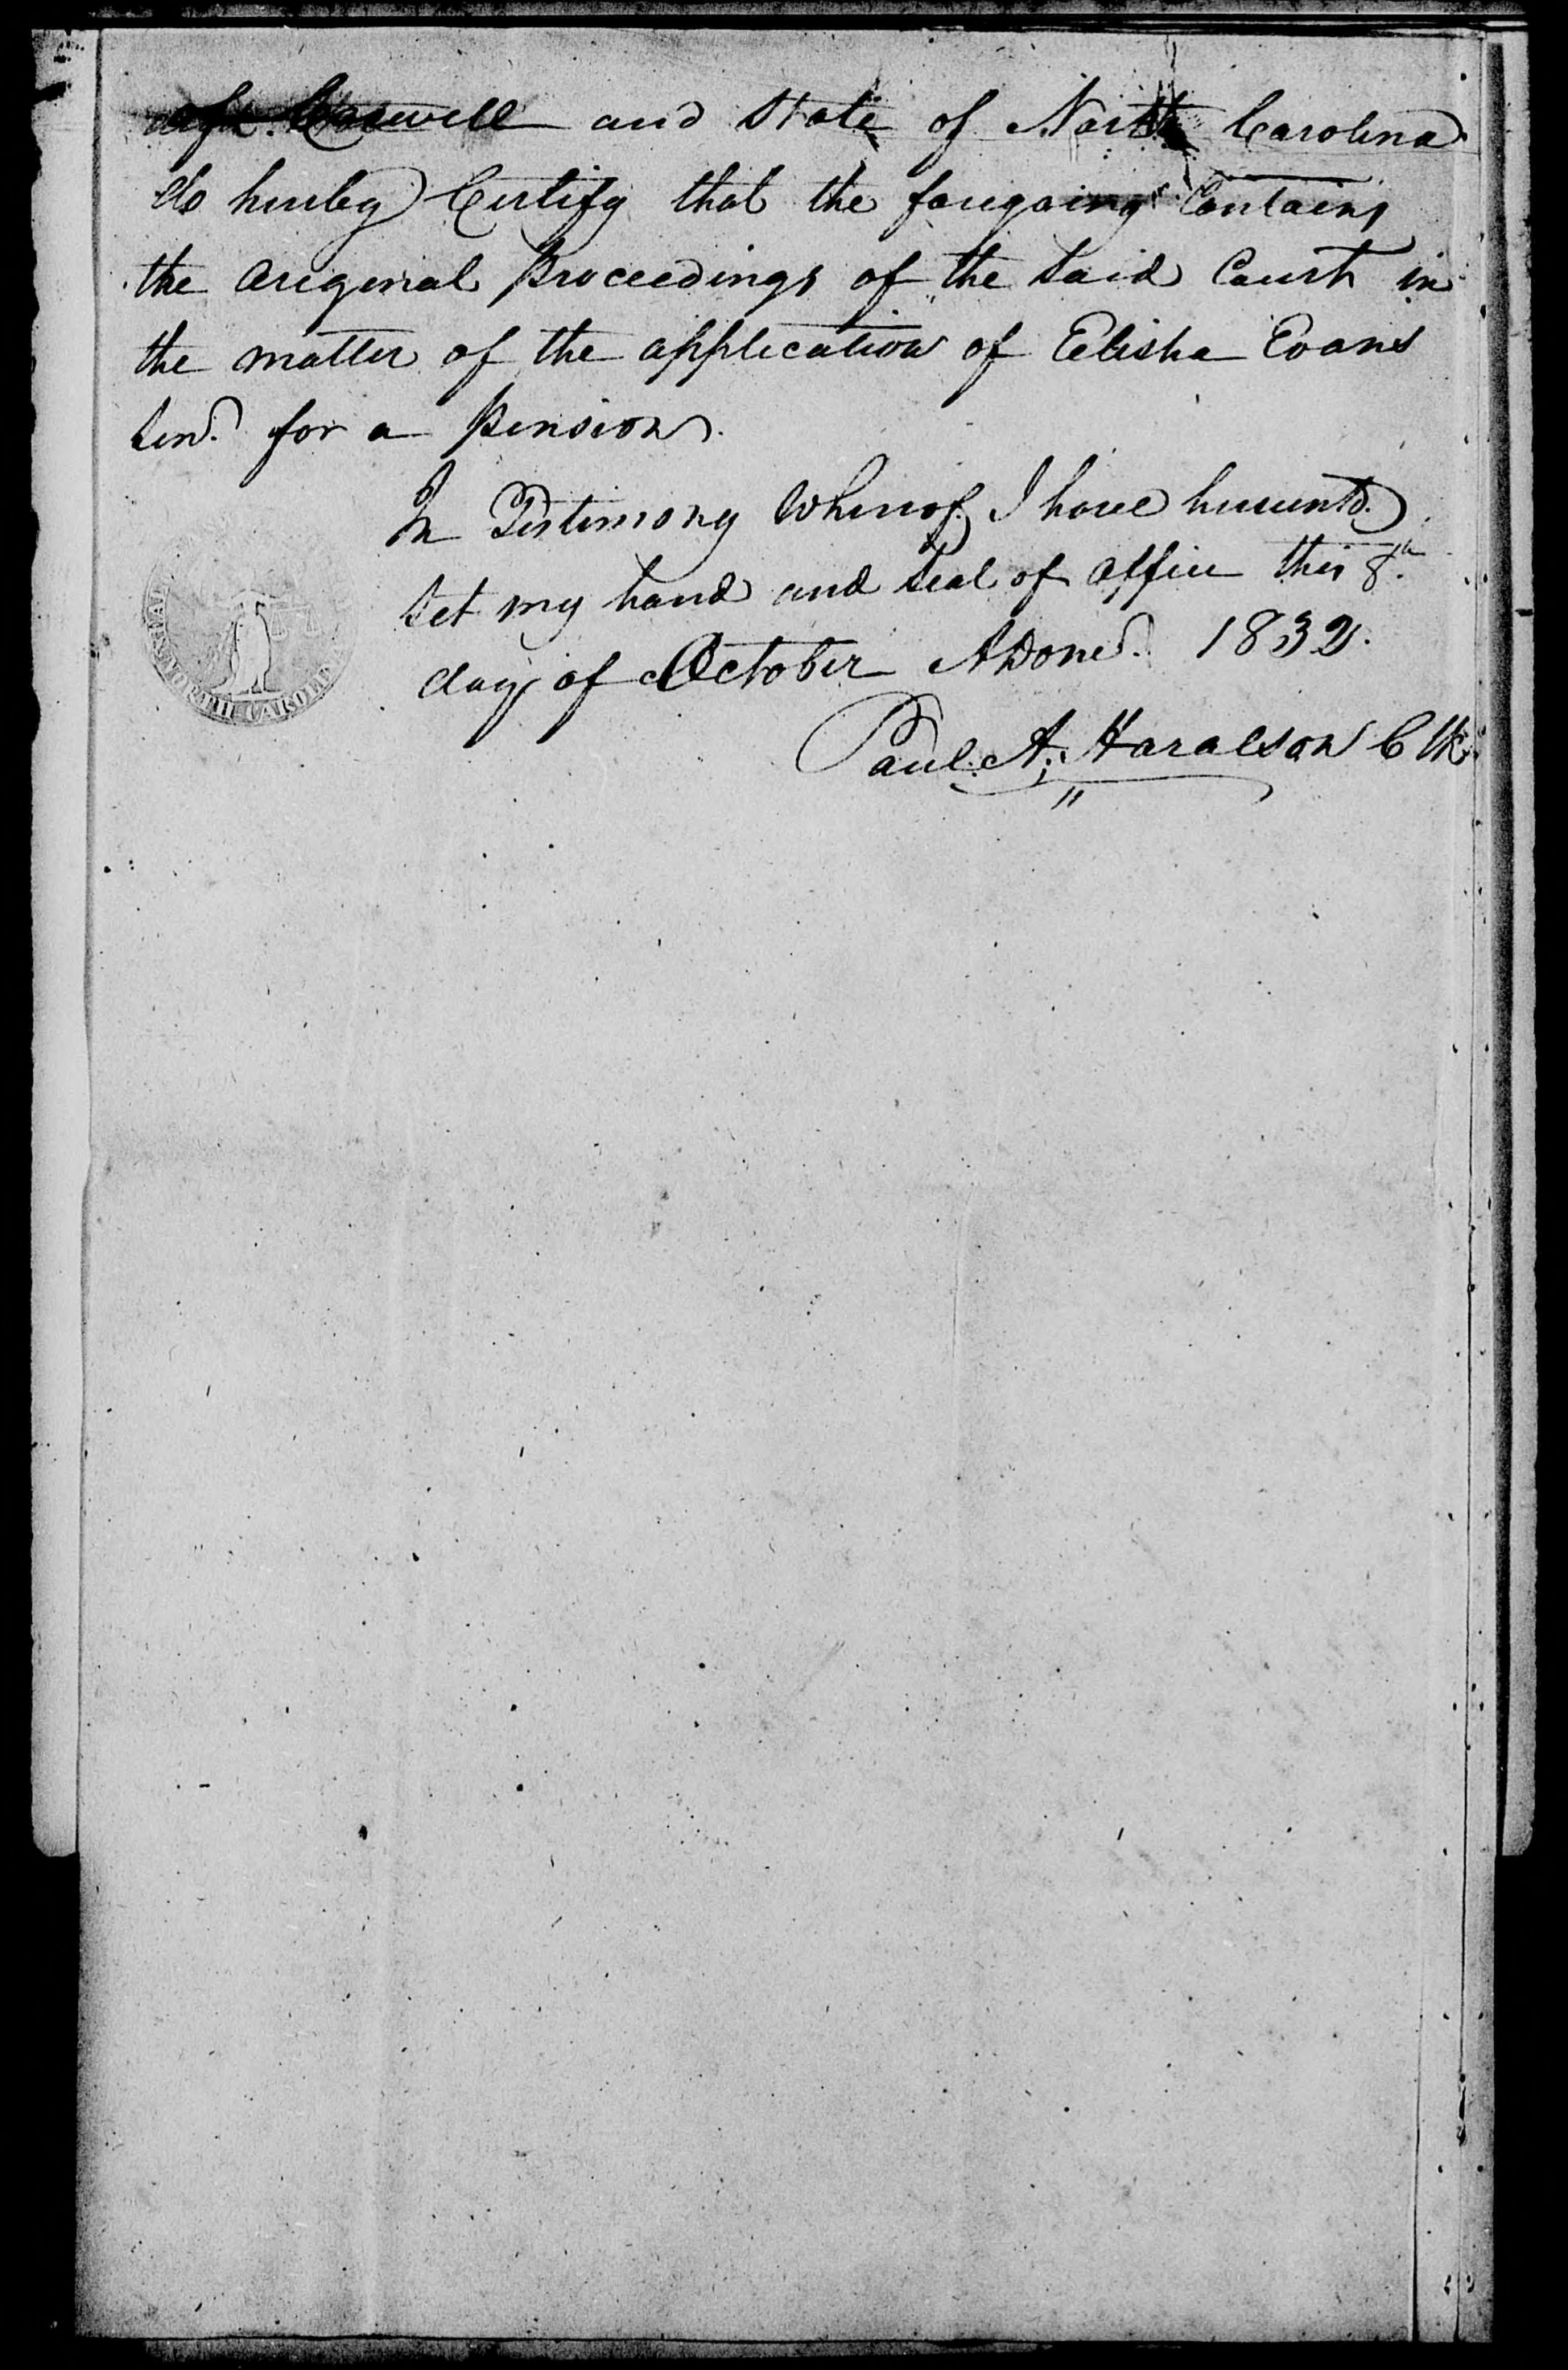[illegible, smudged] Caswell and State of North Carolina hereby certify that the foregoing contains the Original proceedings of the said Court in the matter of the application of Elisha Evans Sen. send for a pension.

In Testimony whereof I have hereunto set my hand and seal of office this 8th day of October AD 1832.

Paul A. Haralson Clk

{image of seal containing: SEAL NORTH CAROLINA, Image of Lady Justice holding scales]
-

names: Paul A Haralson, Elisha Evans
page: 12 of 29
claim: survivor's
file: S. 6830, Elisha Evans, N.C.